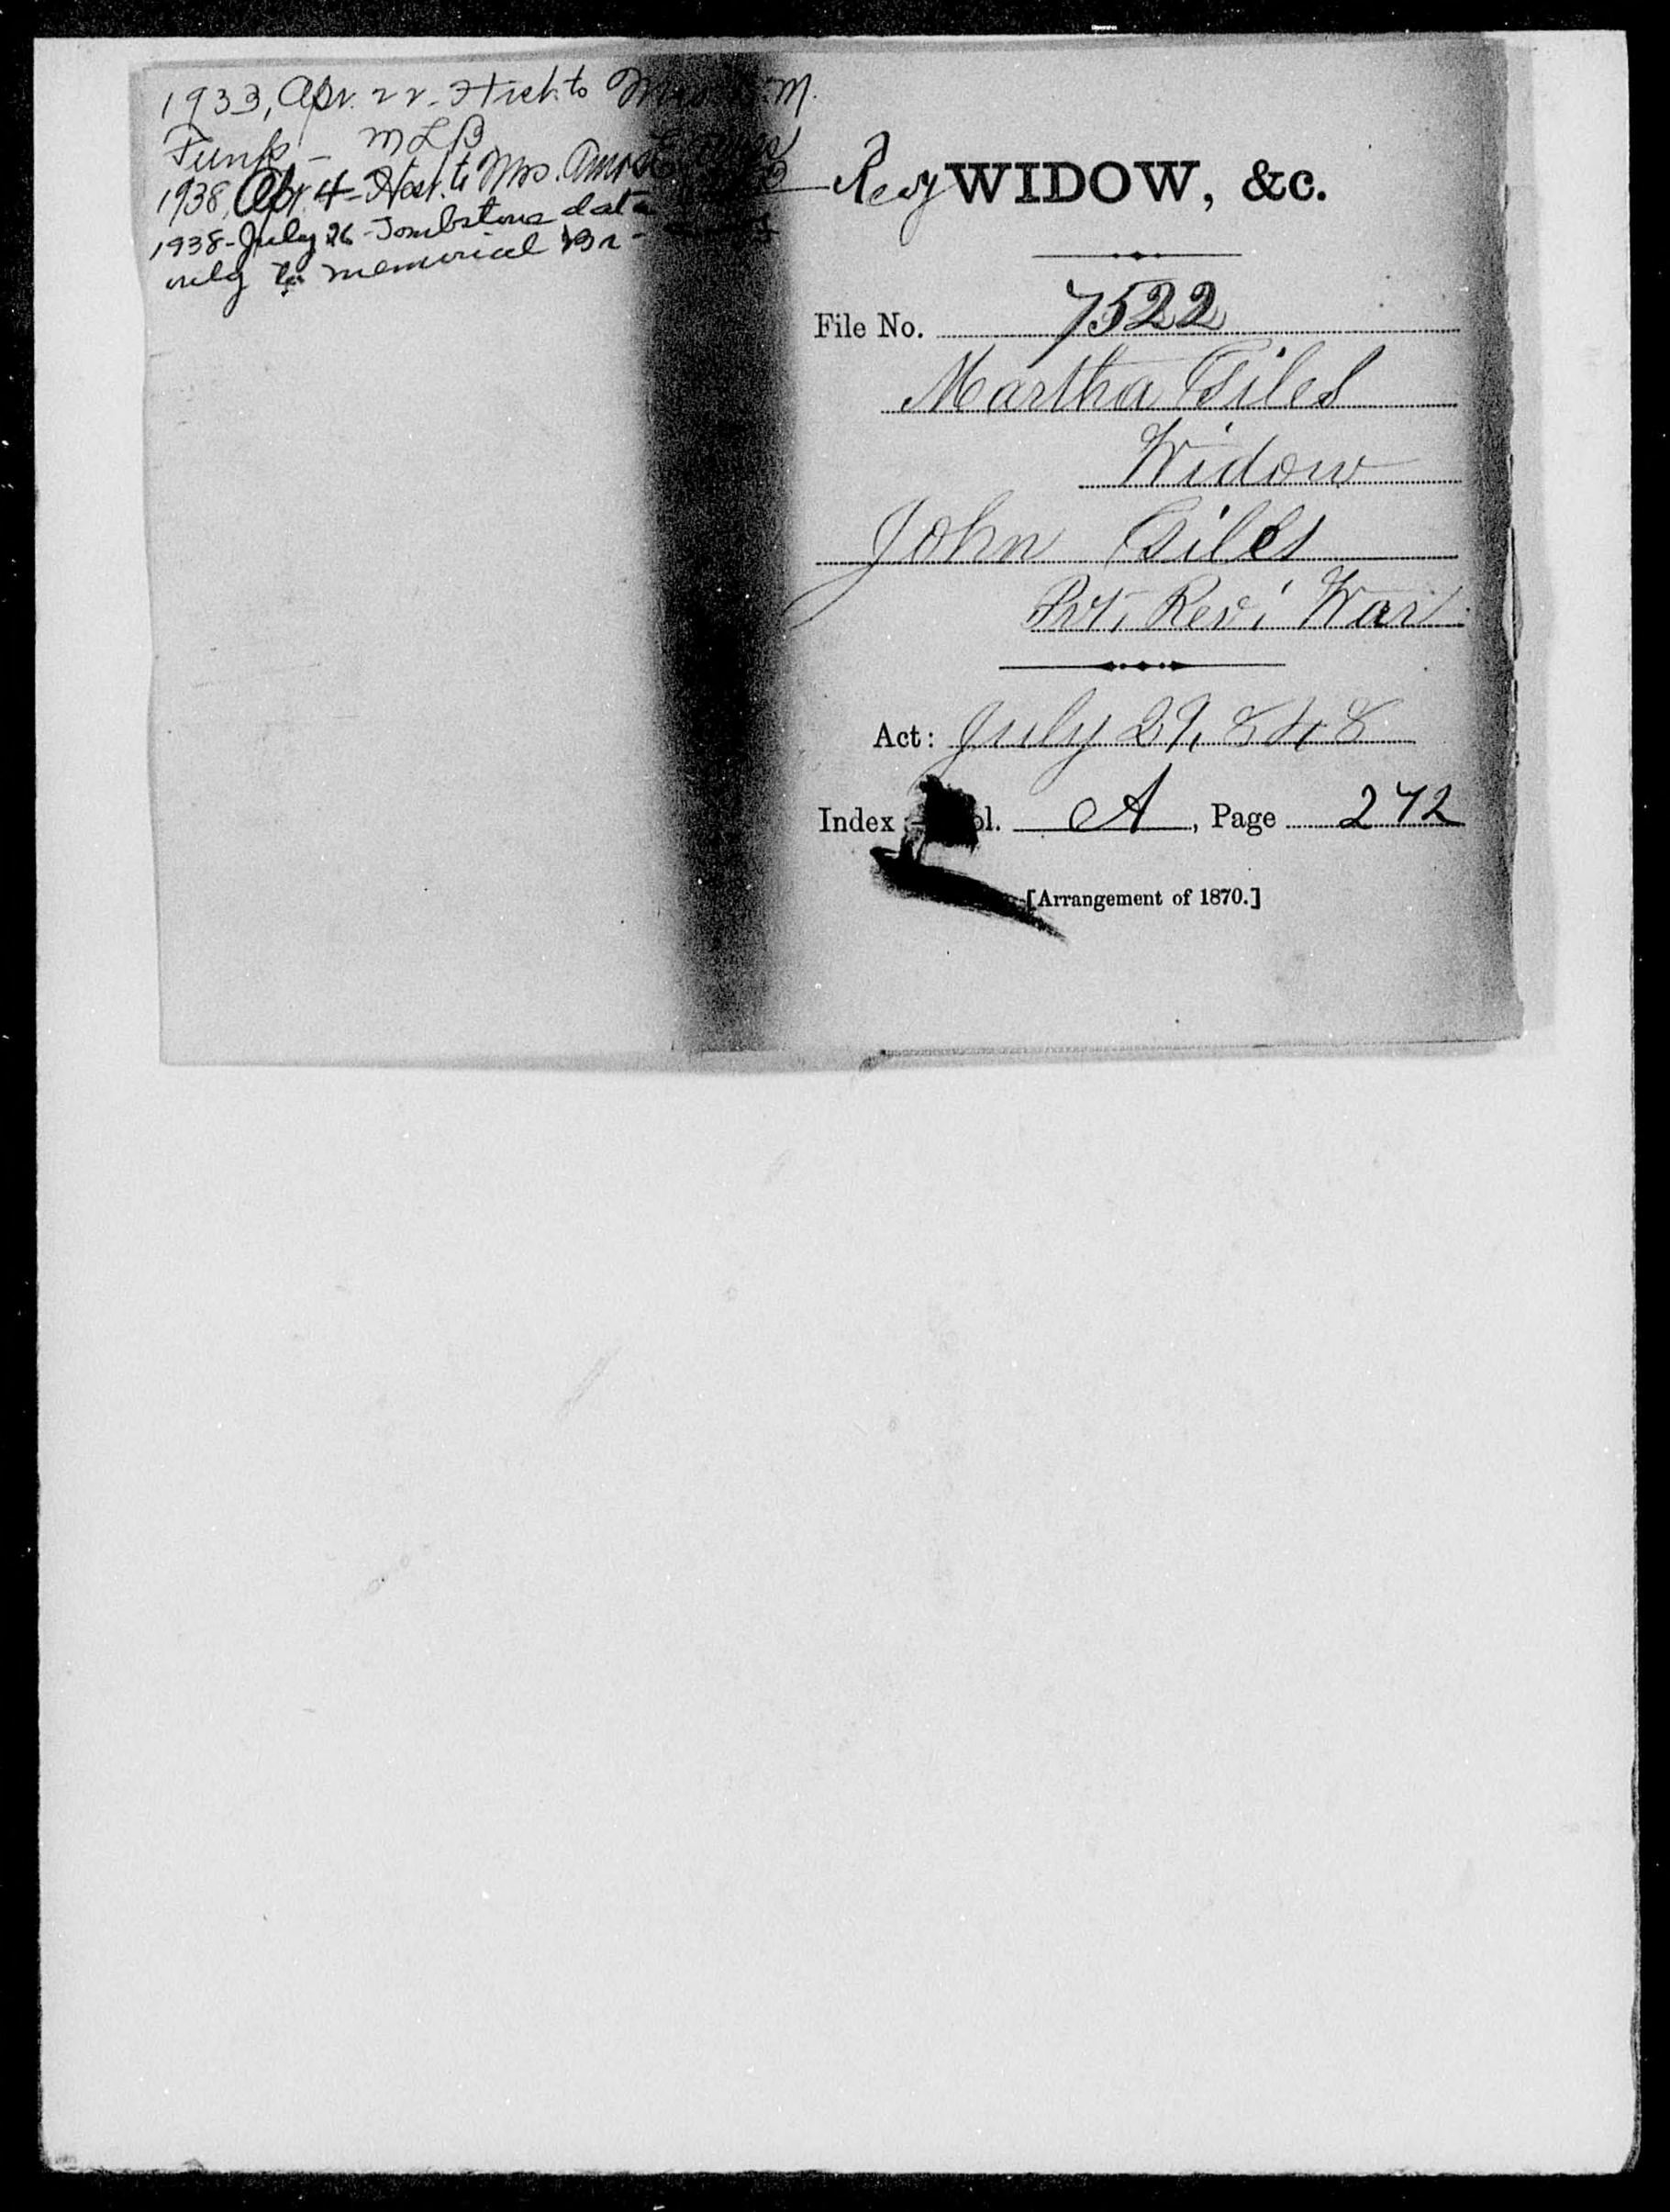1933, Apr. 22. Hist to Mrs. A.M.
Tunk _ MLB
1938  Apr 4 Hist to Mrs Amos E Ayres
1938 - July 26 Tombstone data
only to memorial Br - [illegible]

Right side:
Revy WIDOW, &c.
File No. 7522

Martha Giles
Widow
John Giles
Pri Rev War

Act: July 29.48
Index: - Vol. A, Page 272
Arrangement of 1870.]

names: Martha Giles, D M Funk, John Giles, Tombstone, Amos E Ayres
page: 41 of 82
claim: widow's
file: W. 7,522, John Giles, N.C.